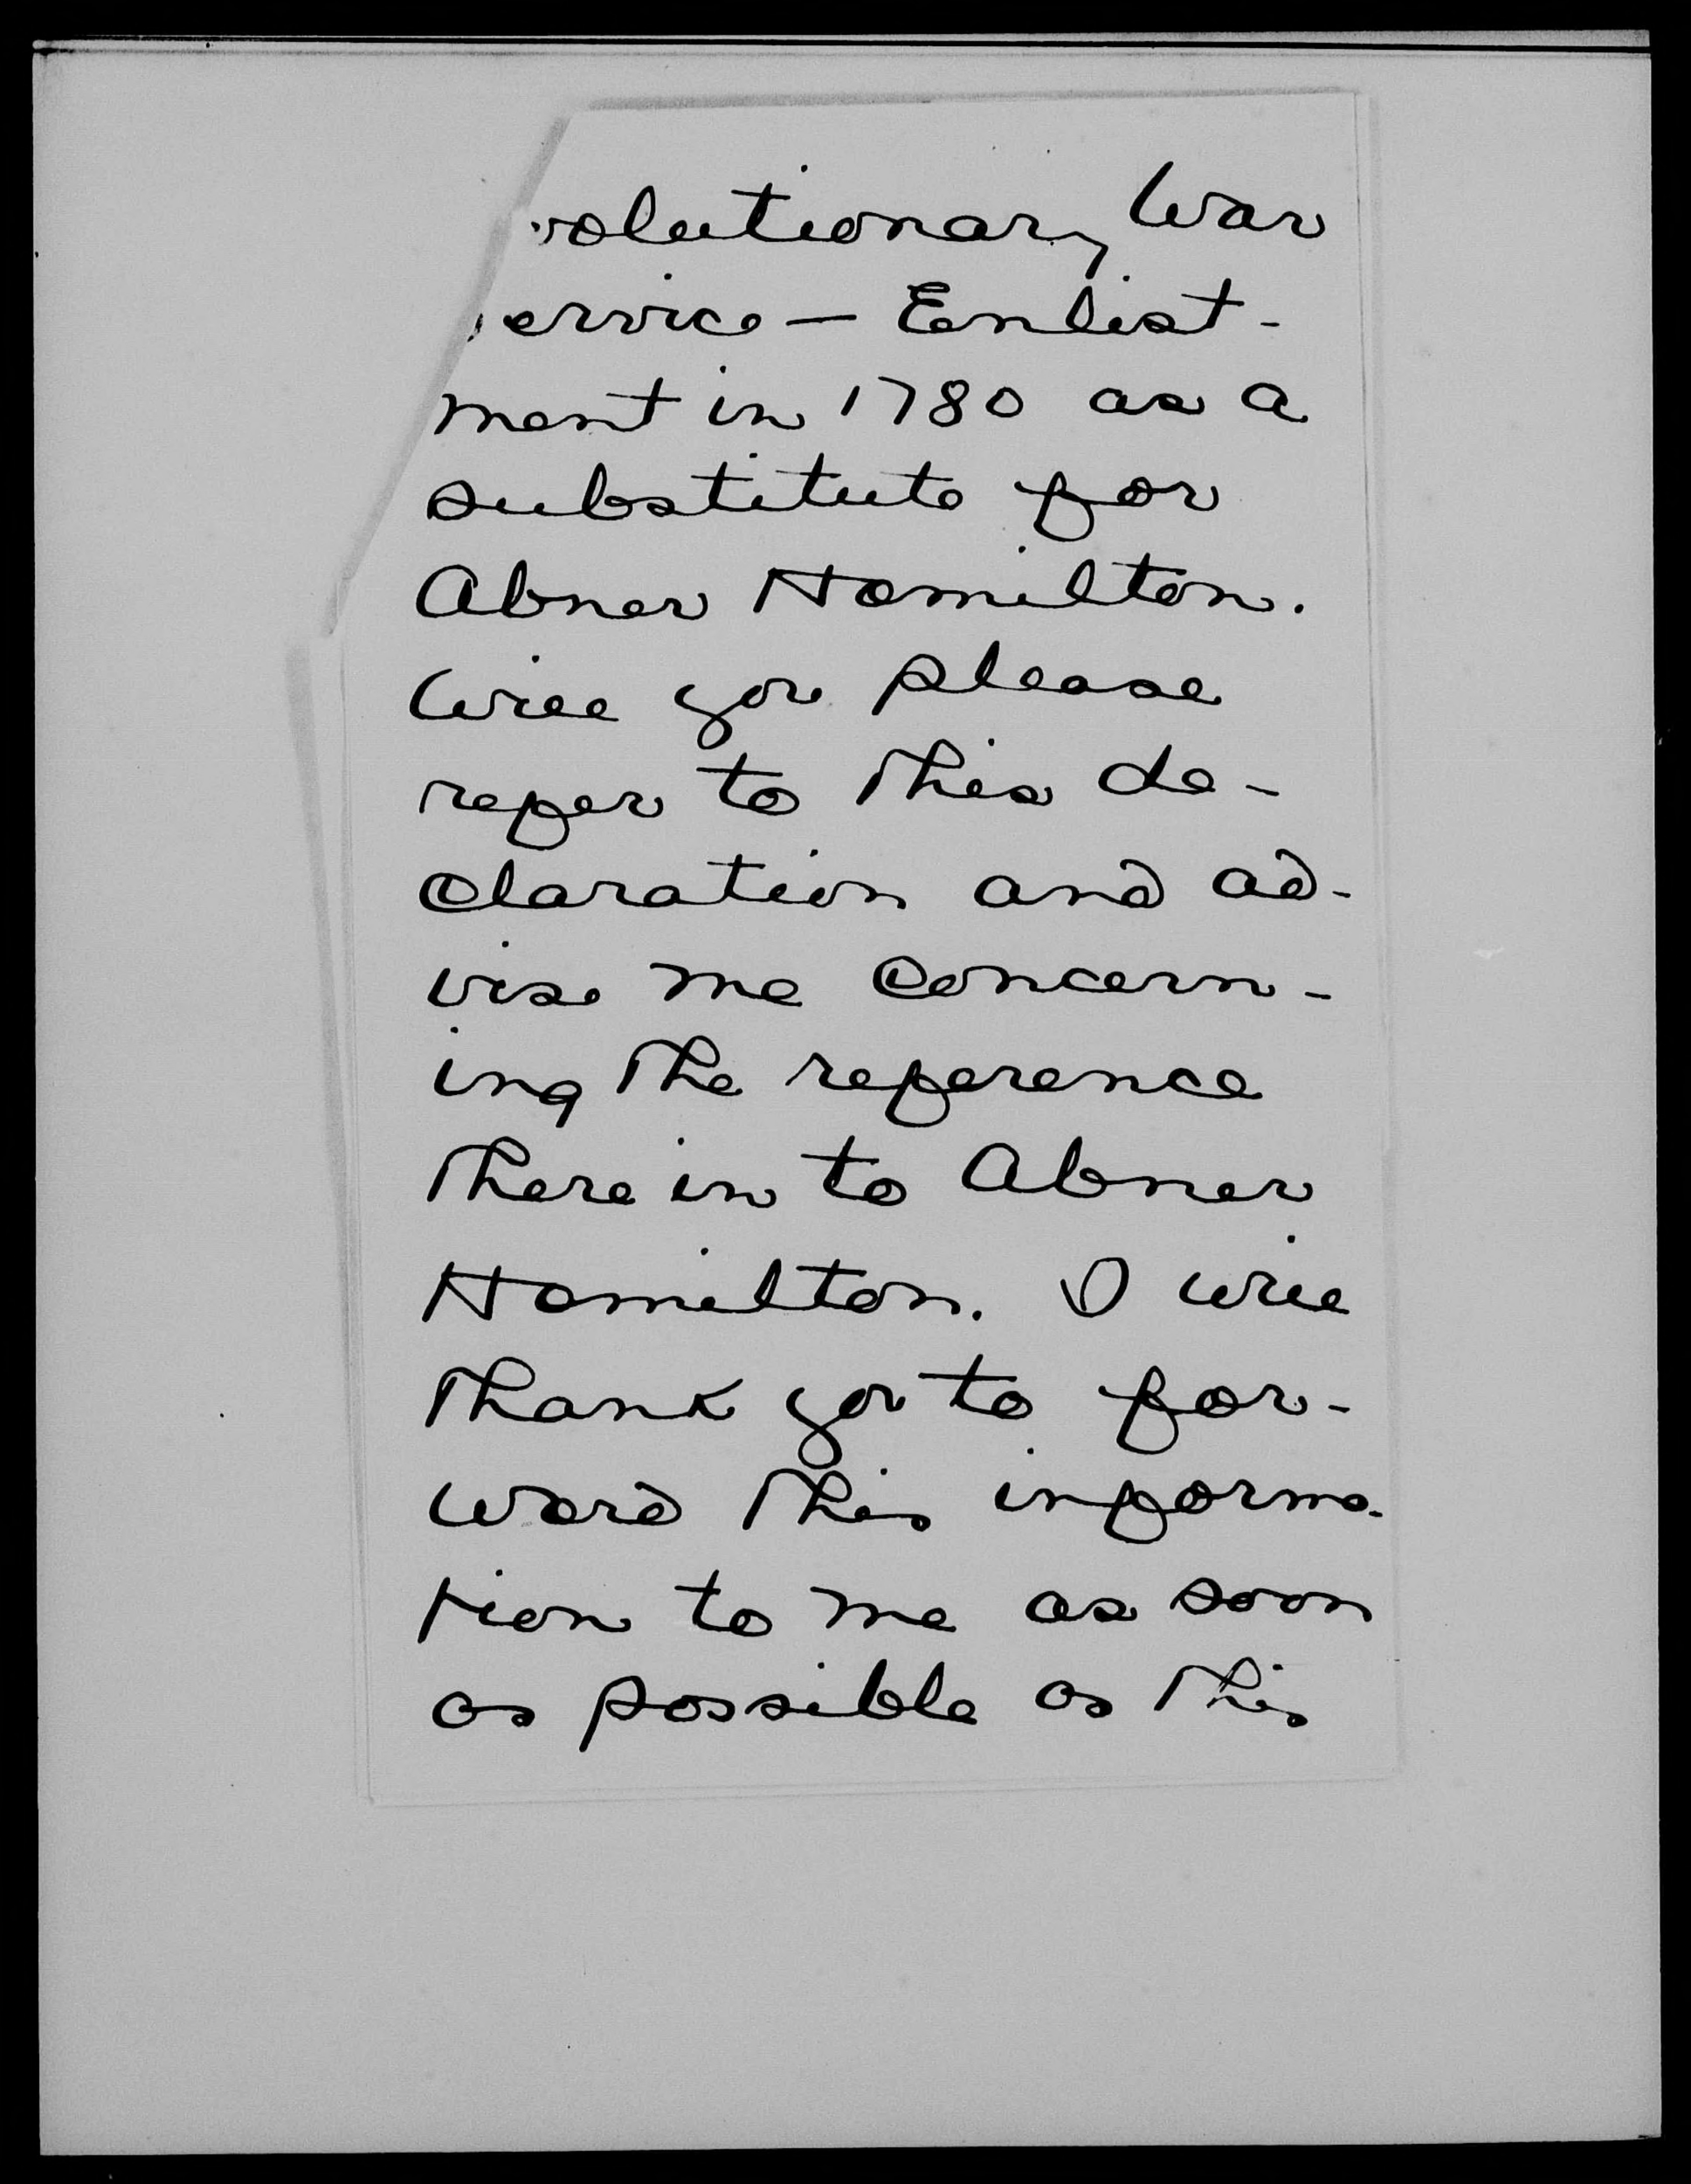revolutionary war service enlistment in 1780 as a substitute for Abner Hamilton see you please refer to this declaration and advise me concerning the reference therein to Abner Hamilton. I will thank you to forward this information to me as soon as possible as this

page: 17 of 21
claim: survivor's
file: S. 41223, for Joseph Sutton, Virginia